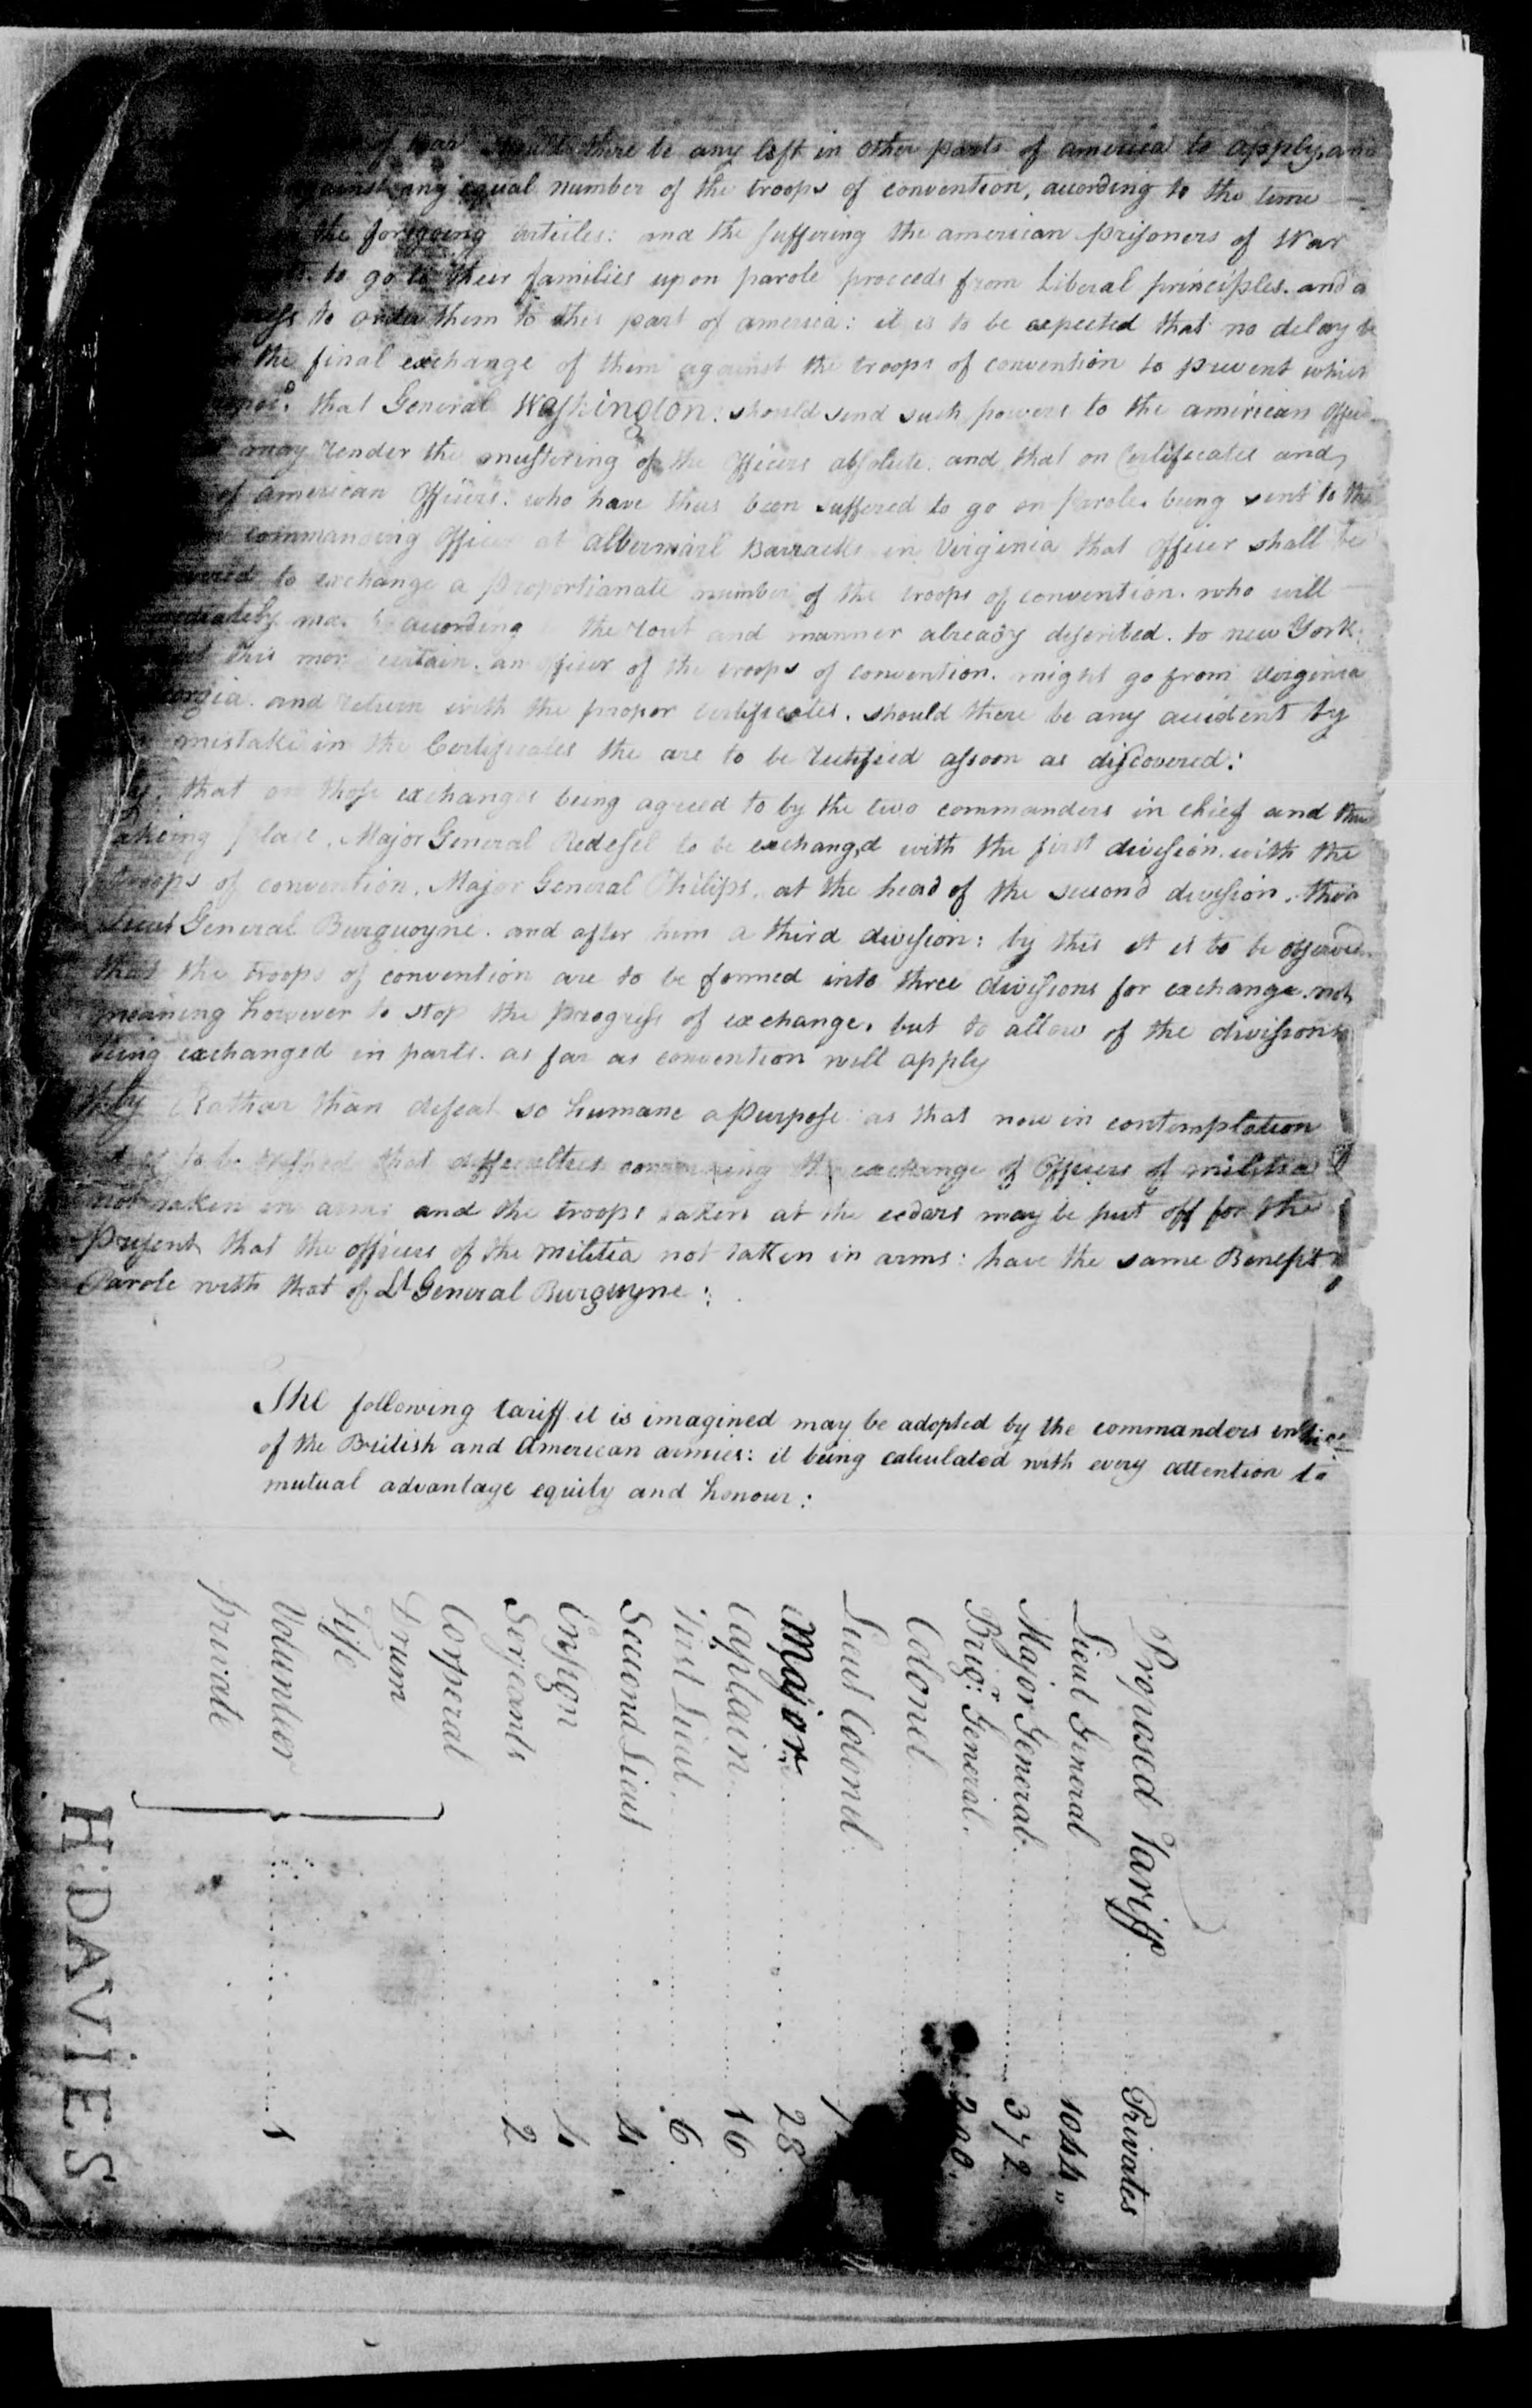[upper left corner of document is in shadow and illegible] 
there be any left in other parts of america to apply, and [illegible] any equal number of the troops of convention, according to the time
[illegible] the foregoing articles and the suffering the american prisoners of War [illegible] to go to their families upon parole proceeds from Liberal principles, and a [illegible]  to order them to this part of America: it is to be expected that no delay be [illegible] the final exchange of them against the troops of convention to prevent which [illegible] that General Washington should send such powers to the American office [illegible] may render the mustering of the Officers absolute and that on Certificate and [illegible] of American Officers who have thus been suffered to go on parole being sent to the [illegible] commanding officer at Albermarl Barracks in Virginia that officer shall be [illegible] to exchange a proportionate number of the troops of convention, who will
[illegible] diately ma be according the rout and manner already described to New York: [illegible] this mor certain and officer of the troops of convention, might go from Virginia [illegible] gia and return with the proper certificates. should there be any accident by [illegible] mistake in the Certificate the are to be rectified assoon as discovered:  [illegible] that on those exchanges being agreed to by the two commanders in chief and then takeing place Major General Redesel to be exchanged with the first division, with the troops of 
convention, Major General Philips, at the head of the second division, then Lieut General Burgoyne, and after him a third division; by this it is to be observed that the troops of convention are to be formed into three divisions for exchange not meaning however to stop the progress of exchange, but to allow of the divisions being exchanged in parts as far as convention will apply
[illegible] Rathar than defeat so humane a purpose as that now in contemplation [illegible] to be [illegible] that diffeculties commencing the exchange of Officers of Militia not taken in arms and the troops taken at the  cedars may be put off for the Present that the officers of the militia not taken in arms have the same benefit parole with that of Lt General Burguyne: 

The following tariff it is imagined may be adopted by the commanders enllic 
of the British and American armies: it being calculated with every attention to
mutual advantage equity and honour:

[text below written perpendicular to above text on page] 

Proposed Tarriff........Privates
Lieut General............. 1044
Major General...............372
Brig: General..................200
Colonel ...... [illegible]
Lieut Colonel ..... [ illegible]
Major.............................28
Captain.........................16
First Lieut.......................6
Second Lieut................4
Ensign.............................4
Sergeants.....................2
Corperal}
Drum}
Fife}
Volunteer}
Private  } .......................1

H:DAVIES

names: Burguyne, Philips, Burguoyne, Washington, H Davies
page: 35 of 57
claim: survivor's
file: S. 2161, Hezekiah Davies, Penn